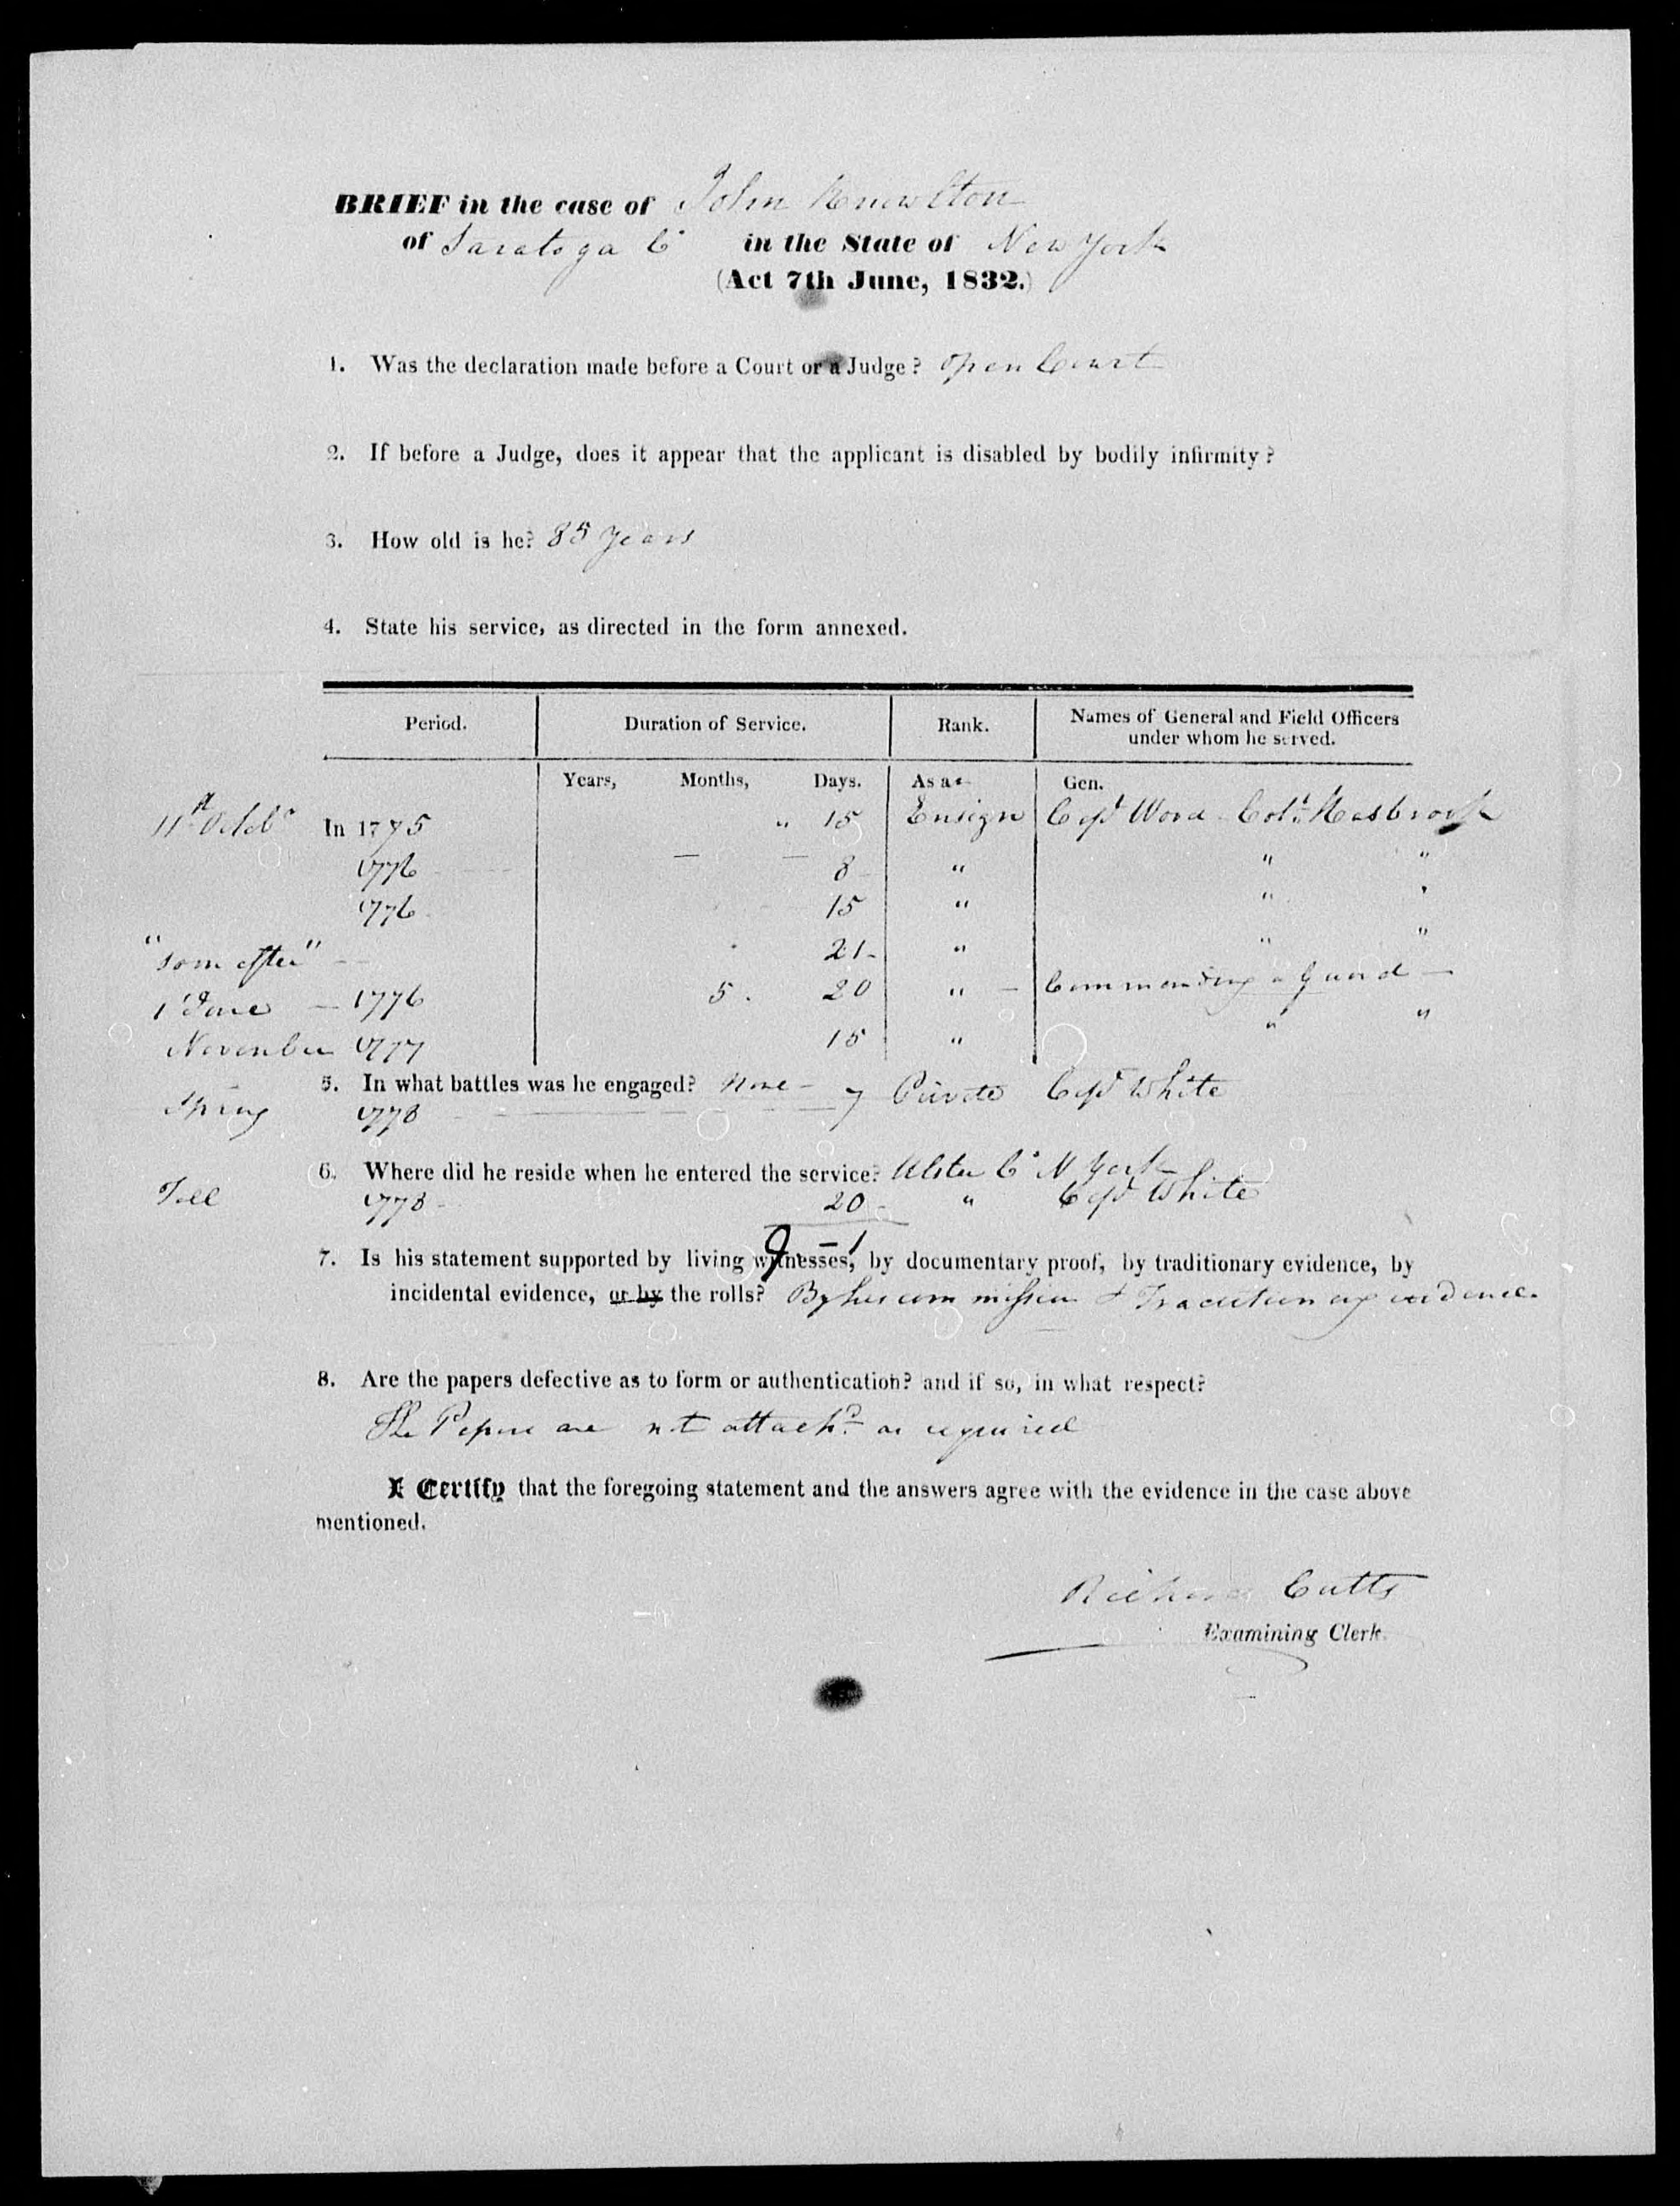11th In 1775
BRIEF in the case of John Knowlton of Saratoga in the State of New York
(Act 7th June, 1832.)

1. Was the declaration made before a Court or Judge? Open Court
2. If before a Judge, does it appear that the applicant is disabled by bodily infirmity?
3. How old is he? 85 years
4. State his service, as directed in the form annexed.
Period.|Duration of Service.|Rank.|Names of General and Field Officers under whom he served.|
Years, Months, Days.|As a|Gen.| 
11th [illegible] In 1775|15 [days]| Ensign|Capt Wood Col Hasbrook
1776|8 [days]|[Ensign]| [Capt Wood Col Hasbrook]
1776|15 days|[Ensign]| [Capt Wood Col Hasbrook]
"soon after"| 21 [days]|[Ensign]| [Capt Wood Col Hasbrook]
1 June 1776|5 [months] 20 [days]|[Ensign]|Commanding a Guard
November 1777|15 [days]|[Ensign]|[Commanding a Guard]
Spring 1776|7 [days]|Private| Capt White
Fall 1776|20 [days]|Private|Capt White
5. In what battles was he engaged? None 
6. Where did he reside when he entered the service: Ulster C N York
7. Is his statement supported by living witnesses, by documentary proof, by traditionary evidence, by
incidental evidence, or by the rolls? By his commission & Traditionary evidence 
8. Are the papers defective as to form or authentication? and if so, in what respect? The Papers are not attachd. as required
X Certify that the foregoing statement and the answers agree with the evidence in the case above mentioned.
Richard Cutts
Examining Clerk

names: [BLANK] Wood; John Knowlton; Richard Cutts; [BLANK] White; [BLANK] Hasbrook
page: 5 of 25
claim: survivor's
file: S. 13668, for John Knowlton, New York